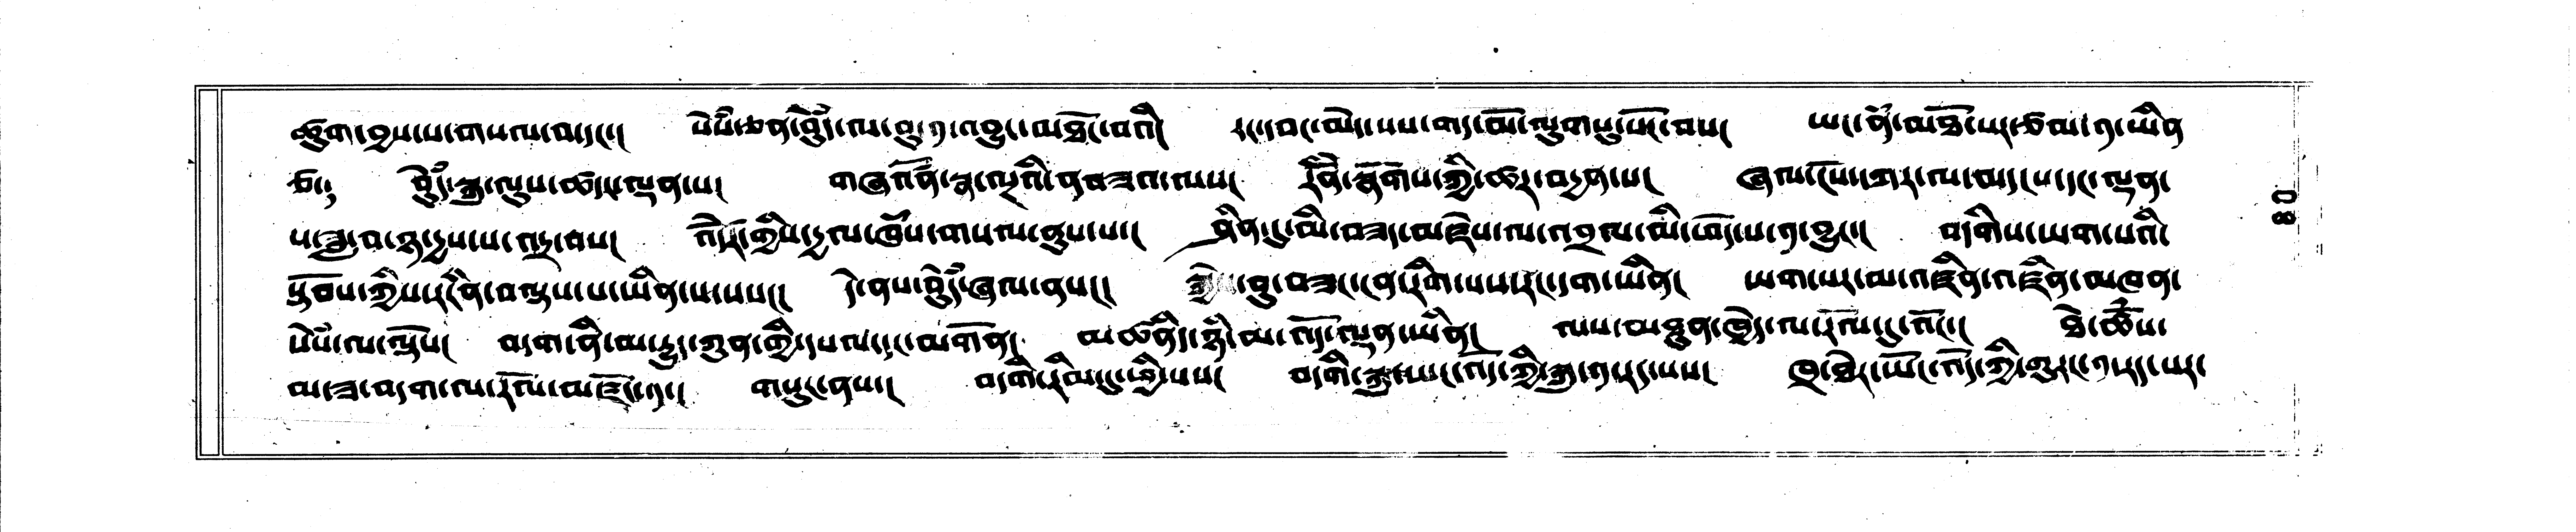ཚུག་བྱས་པ་གསལ་མདང་། སེམས་ཅན་བུད་མེད་ལ་བུ་གཅིག་འབྱུང་མཐོང་བའི། རང་དབང་མེད་པས་གད་མོ་ལུགས་སུ་སོང་བས། ཡང་ནམ་མཐོ་སར་ཙམ་གཅིག་ཡིན་
ཙ། བུད་མེད་སྐུ་ལུས་ཚད་དང་ལྡན་པ། གཞའ་ཚོན་སྣ་ལྔའི་ན་བཟའ་ལས། རིན་པོ་ཆེ་སྣ་ཚོགས་ཀྱི་ཚར་བརྒྱན་པ། ཞལ་ངོས་དཀར་ལ་མདངས་དང་ལྡན་
པ་ཟླ་བ་གསུམ་རྒྱས་པ་འདྲ་བས། འོད་ཟེར་གྱིས་རྒྱལ་ཁམས་གསལ་ནུས་པ། ཤིན་ཏུ་མི་བཟད་མཛེས་ལ་འབྲལ་མི་ཕོད་པ་གཅིག་བྱུང་། བདག་གིས་ཡག་པའི་
སྟོབས་ཀྱིས་རང་བཞིན་བལྟས་པ་ཡིན་པ་པས། དེ་ནས་བུད་མེད་ཞལ་ནས། སྐྱེས་བུ་བཟང་ངན་རིག་པས་རང་དག་ཡིན། ཡག་པར་མ་འཛིན་འཛིན་མཁན་
སེམས་ལ་ལྟོས། བདག་ནི་མ་རྒྱུད་ཀུན་གྱི་དཔལ་དང་མགོན། མཚན་ཉིད་ཉི་མ་འོད་ལྡན་ཡིན། ལས་མཐུན་ཁྱེད་ལ་རོལ་དུ་འོང་། ཐེ་ཚོམ་
མ་ཟ་བདག་ལ་རོལ་མཛོད་ཅིག གསུང་ནས། བདག་གི་རིམ་དུ་ཕྱི་པས། བདག་གི་སྐུ་ཡང་འོད་ཀྱི་སྐུ་གཅིག་རེད་པས། ཁྲ་ཐེར་ཡང་འོད་ཀྱི་གུར་གང་གཅིག་རད་པར་